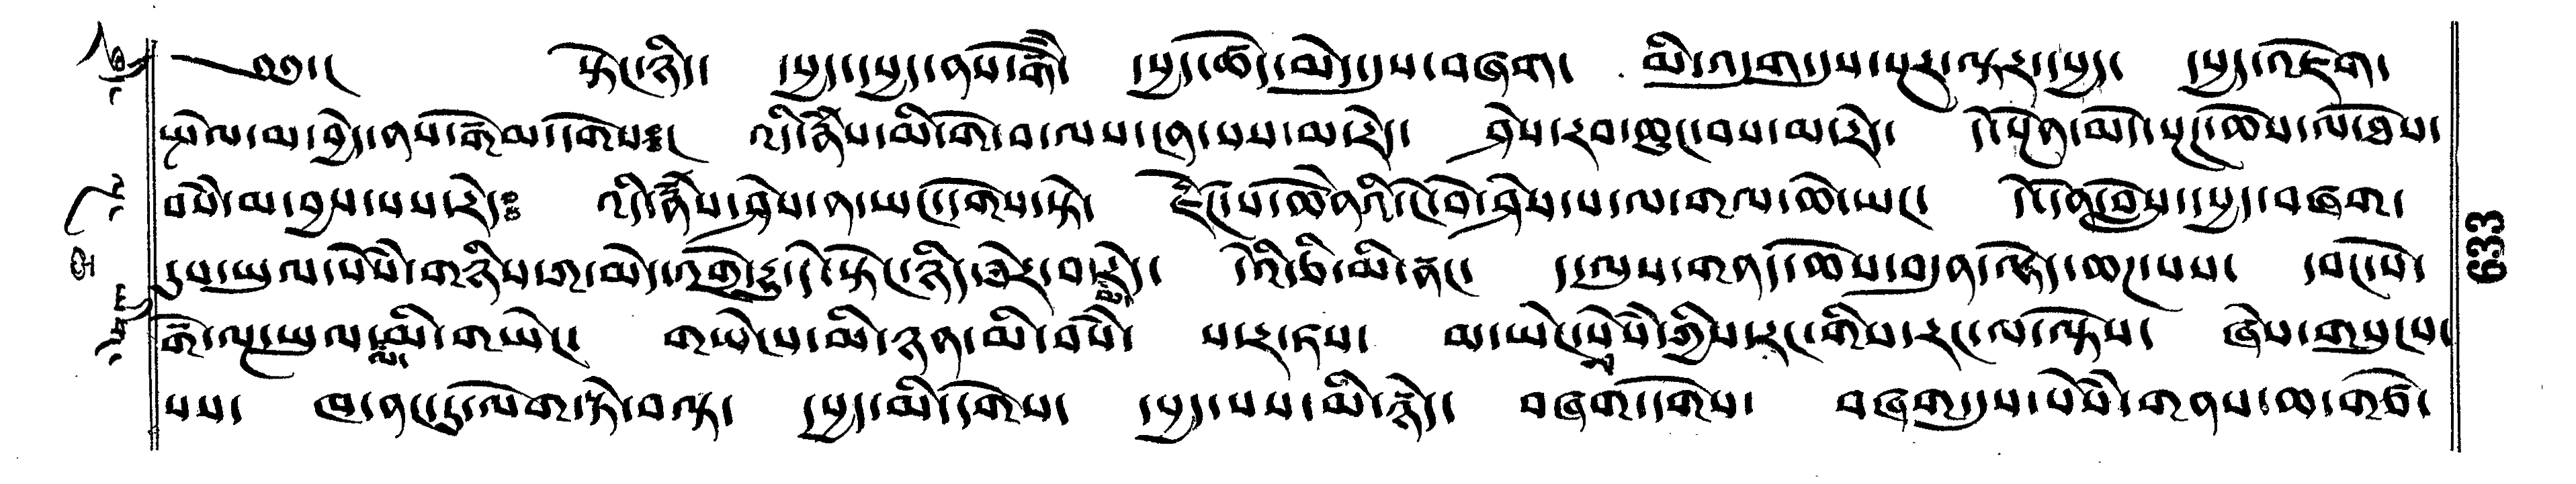སྟོང་ཉིད། དཔྱད་དཔྱད་ནས་སྒོམ། དཔྱད་ཚོད་མེད་དུས་བཞག མི་འདུག་དུས་སྔར་ལྟར་དཔྱད། དཔྱད་འཇོག་
སྤེལ་མ་བྱེད་ནས་སྒོམ་དགོས། འདི་རྣམས་མི་གོ་བ་ལས་ངན་པས་མ་རེད། ཤེས་རབ་ཆུང་བས་མ་རེད། དེ་སྔོན་མདོ་སྔགས་ཀྱི་ཆོས་ལ་ཐོས་
བསམ་མ་བྱས་པས་རེད། འདི་རྣམས་ཤེས་ན་ཡང་དགོས་སྟེ། རྫོགས་པ་ཆེན་པོའི་ངོ་བོ་ཤེས་པ་ལ་གལ་ཆེ་ཡང་། དེ་དོན་བློས་དཔྱད་བཞག་
དུས་ཡུལ་སེམས་གཉིས་ཀ་མེད་འགྲོ་རྒྱུ་སྟེ་སྟོང་ཉིད་ཟེར་བ་མ་རེད།( དེའི་ཅི་མི་སྣང་། ? ) ད་ལུས་གནད་ཆོས་བདུན་ལྷོད་ཆགས་པས། དབང་པོ་
སྒོ་ལྔ་ཡུལ་ལ་མི་གཡེང་། གཡེང་མི་ཉན་མི་བསམ། ས་ར་ཧས། མ་ཡེངས་སེམས་ཀྱིས་རང་གིས་རང་ལ་ལྟོས། ཞེས་གསུངས་
པས། ཁ་ནང་དུ་ལོག་སྟེ་བལྟ། དཔྱད་མི་དགོས། དཔྱད་པས་མི་སྙེད། བཞག་དགོས། བཞག་དུས་སེམས་གནས་ཆ་གཙོ་